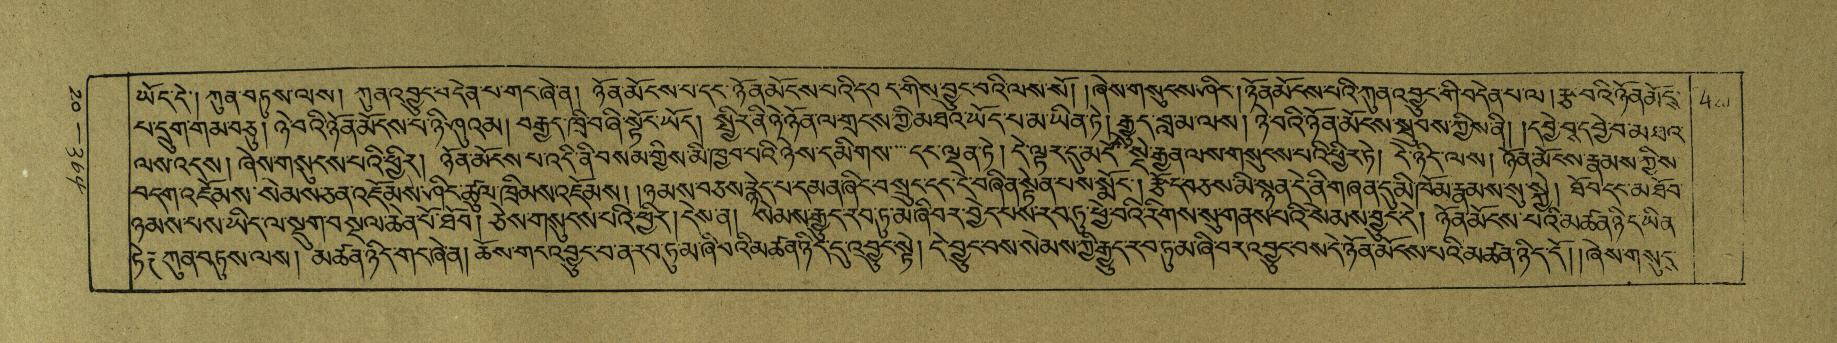ཡོད་དེ། ཀུན་བཏུས་ལས། ཀུན་འབྱུང་བདེན་པ་གང་ཞེ་ན། ཉོན་མོངས་པ་དང་ཉོན་མོངས་པའི་དབང་གིས་བྱུང་བའི་ལས་སོ། །ཞེས་གསུངས་ཤིང་། ཉོན་མོངས་པའི་ཀུན་འབྱུང་གི་བདེན་པ་ལ། རྩ་བའི་ཉོན་མོངས་
པ་དྲུག་གམ་བཅུ། ཉེ་བའི་ཉོན་མོངས་པ་ཉི་ཤུའམ། བརྒྱད་ཁྲི་བཞི་སྟོང་ཡོད། སྤྱིར་ནི་ཉེ་ཉོན་ལ་གྲངས་ཀྱི་མཐའ་ཡོད་པ་མ་ཡིན་ཏེ། རྒྱུད་བླ་མ་ལས། ཉེ་བའི་ཉོན་མོངས་སྦུབས་ཀྱིས་ནི། །དབྱེ་བས་དབྱེ་བ་མཐའ་
ལས་འདས། ཞེས་གསུངས་པའི་ཕྱིར། ཉོན་མོངས་པ་འདི་ནི་བསམ་གྱིས་མི་ཁྱབ་པའི་ཉེས་དམིགས་དང་ལྡན་ཏེ། དེ་ལྟར་དུ་མདོ་སྡེ་རྒྱན་ལས་གསུངས་པའི་ཕྱིར་ཏེ། དེ་ཉིད་ལས། ཉོན་མོངས་རྣམས་ཀྱིས་
བདག་འཇོམས་སེམས་ཅན་འཇོམས་ཤིང་ཚུལ་ཁྲིམས་འཇོམས། །ཉམས་བཅས་རྙེད་པ་དམན་ཞིང་བསྲུང་དང་དེ་བཞིན་སྟེན་པས་སྨོང་། རྩོད་བཅས་མི་སྙན་དེ་ནི་གཞན་དུ་མི་ཁོམ་རྣམས་སུ་སྐྱེ། ཐོབ་དང་མ་ཐོབ་
ཉམས་པས་ཡིད་ལ་སྡུག་བསྔལ་ཆེན་པོ་ཐོབ། ཅེས་གསུངས་པའི་ཕྱིར། དེས་ན། སེམས་རྒྱུད་རབ་ཏུ་མ་ཞི་བར་བྱེད་པས་རབ་ཏུ་ཕྱེ་བའི་རིགས་སུ་གནས་པའི་སེམས་བྱུང་དེ། ཉོན་མོངས་པའི་མཚན་ཉིད་ཡིན་
ཏེ༑ ཀུན་བཏུས་ལས། མཚན་ཉིད་གང་ཞེ་ན། ཆོས་གང་འབྱུང་བ་ན་རབ་ཏུ་མ་ཞི་བའི་མཚན་ཉིད་དུ་འབྱུང་སྟེ། དེ་བྱུང་བས་སེམས་ཀྱི་རྒྱུད་རབ་ཏུ་མ་ཞི་བར་འབྱུང་བས་དེ་ཉོན་མོངས་པའི་མཚན་ཉིད་དོ། །ཞེས་གསུངས་